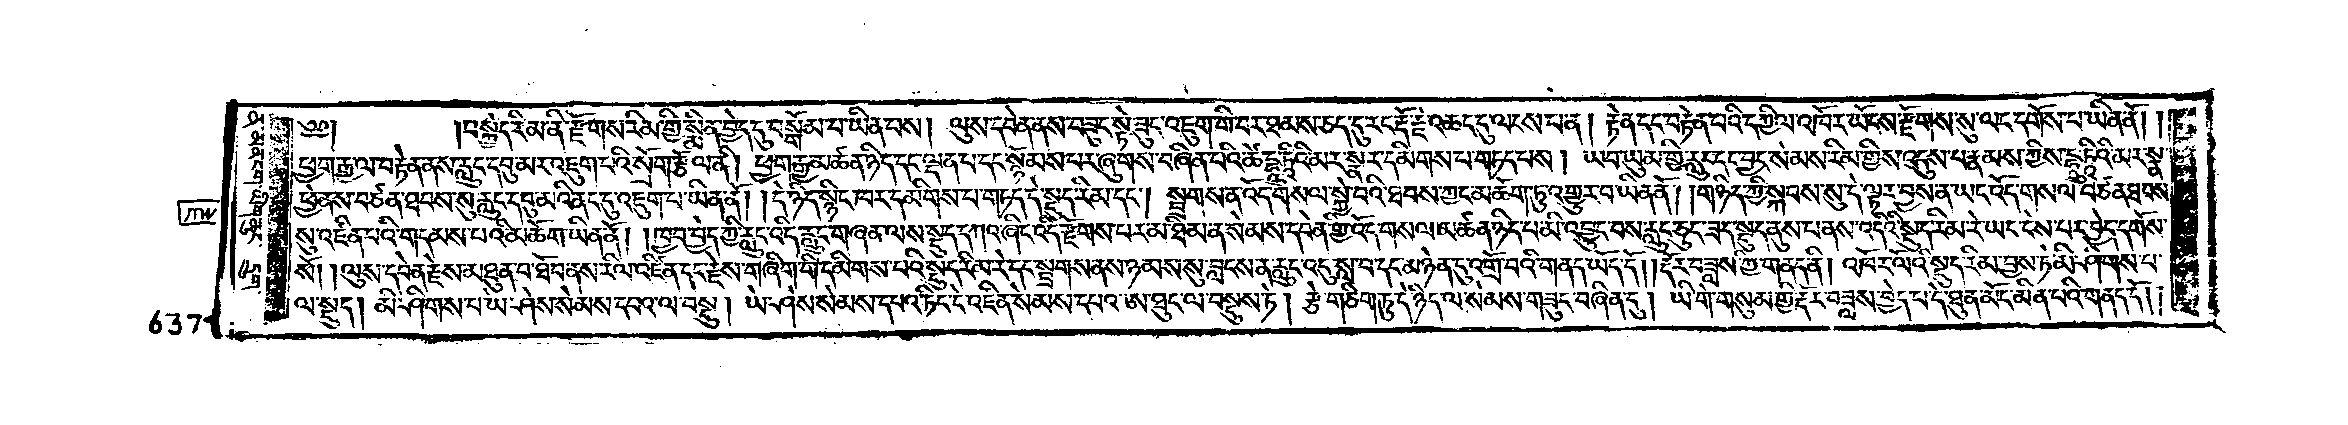༄༅། །བསྐྱེད་རིམ་ནི་རྫོགས་རིམ་གྱི་སྨིན་བྱེད་དུ་བསྒོམ་པ་ཡིན་པས། ལུས་དབེན་ནས་བཟུང་སྟེ་ཟུང་འཇུག་གི་བར་ཐམས་ཅད་དུ་རང་རྡོ་རྗེ་འཆང་དུ་ལངས་པ་ན། རྟེན་དང་བརྟེན་པའི་དཀྱིལ་འཁོར་ཡོངས་རྫོགས་སུ་ལང་དགོས་པ་ཡིན་ནོ། །
ཕྱག་རྒྱ་ལ་བརྟེན་ནས་རླུང་དབུ་མར་འཇུག་པའི་སྲོག་རྩོལ་ནི། ཕྱག་རྒྱ་མཚན་ཉིད་དང་ལྡན་པ་དང་སྙོམས་པར་ཞུགས་བཞིན་པའི་ཚེ་དྷཱུ་ཏཱིའི་མར་སྣར་དམིགས་པ་གཏད་པས། ཡབ་ཡུམ་གྱི་རླུང་དང་བྱང་སེམས་རིམ་གྱིས་འདུས་པ་རྣམས་ཀྱིས་དྷཱུ་ཏཱིའི་མར་སྣ་
ཕྱེ་ནས་བཙན་ཐབས་སུ་རླུང་དབུ་མའི་ནང་དུ་འཇུག་པ་ཡིན་ནོ། །དེ་ཉིད་སྙིང་ཁར་དམིགས་པ་གཏད་དེ་སྡུད་རིམ་དང་། སྦྲགས་ན་འོད་གསལ་སྐྱེ་པའི་ཐབས་ཀྱང་མཆོག་ཏུ་འགྱུར་བ་ཡིན་ནོ། །གཉིད་ཀྱི་སྐབས་སུ་དེ་ལྟར་བྱས་ན་ཡང་འོད་གསལ་བཙན་ཐབས་
སུ་འཛིན་པའི་གདམས་པའི་མཆོག་ཡིན་ནོ། །ཁྱབ་བྱེད་ཀྱི་རླུང་འདི་རླུང་གཞན་ལས་སྡུད་དཀའ་ཞིང་འདི་རྫོགས་པར་མ་ཐིམ་ན་སེམས་དབེན་གྱི་འོད་གསལ་མཚན་ཉིད་པ་མི་འབྱུང་བས་རླུང་ཅུང་ཟད་སྡུད་ནུས་པ་ནས་འདིའི་སྡུད་རིམ་རེ་ཡང་ངེས་པར་བྱེད་དགོས་
སོ། །ལུས་དབེན་རྗེས་མཐུན་པ་ཐོབ་ནས་རིལ་འཛིན་དང་རྗེས་གཞིག་གི་དམིགས་པའི་སྡུད་རིན་རེ་དང་སྦྲགས་ནས་ཉམས་སུ་བླངས་ན་རླུང་འདུ་སླ་བ་དང་མཉེན་དུ་འགྲོ་བའི་གནད་ཡོད་དོ། །རྡོར་བཟླས་ཀྱི་གནད་ནི། འཁོར་ལོའི་སྡུད་རིམ་བྱས་ཏེ་མི་ཤིགས་པ་
ལ་སྡུད། མི་ཤིགས་པ་ཡེ་ཤེས་སེམས་དཔའ་ལ་བསྡུ། ཡེ་ཤེས་སེམས་དཔའ་ཏིང་ངེ་འཛིན་སེམས་དཔའ་ཨ་ཐུང་ལ་བསྡུས་ཏེ། རྩེ་གཅིག་ཏུ་དེ་ཉིད་ལ་སེམས་གཟུང་བཞིན་དུ། ཡི་གེ་གསུམ་གྱི་རྡོར་བཟླས་བྱེད་པ་དེ་ཐུན་མོང་མིན་པའི་གནད་དོ། །